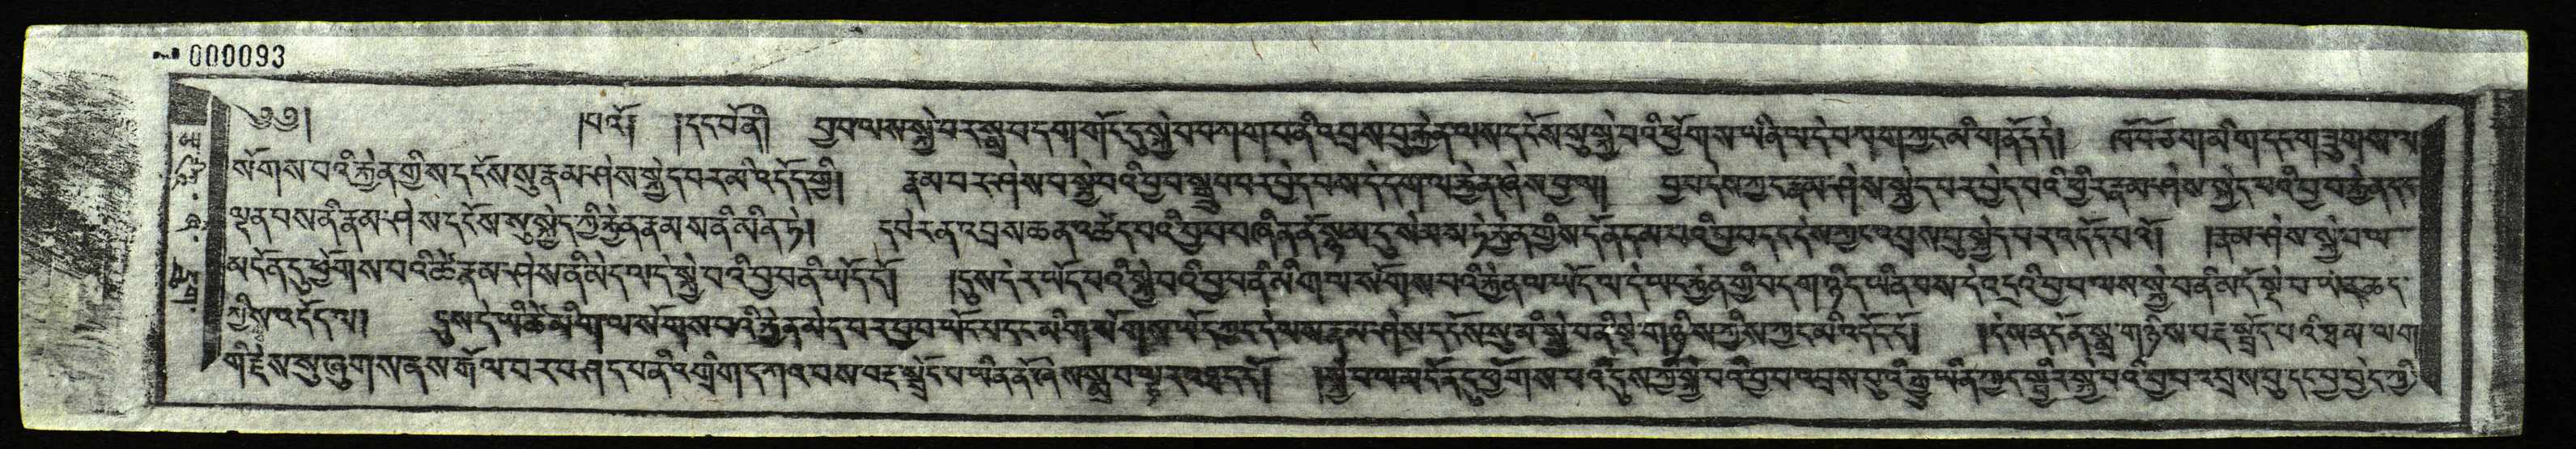༄༅། །པའོ། །དང་པོ་ནི། བྱ་བ་ལས་སྐྱེ་བར་སྨྲ་བ་དག་གོང་དུ་སྐྱེ་བ་བཀག་པ་ནི་འབྲས་བུ་རྐྱེན་ལས་དངོས་སུ་སྐྱེ་བའི་ཕྱོགས་ཡིན་ལ་དེ་བཀག་ཀྱང་མི་གནོད་དེ། ཁོ་བོ་ཅག་མིག་དང་གཟུགས་ལ་
སོགས་བའི་རྐྱེན་གྱིས་དངོས་སུ་རྣམ་ཤེས་སྐྱེད་བར་མི་འདོད་གྱི། རྣམ་པར་ཤེས་པ་སྐྱེ་བའི་བྱ་བ་སྒྲུབ་པར་བྱེད་པས་དེ་དག་ལ་རྐྱེན་ཞེས་བྱ་ལ། བྱ་བ་དེས་ཀྱང་རྣམ་ཤེས་སྐྱེད་པར་བྱེད་པའི་ཕྱིར་རྣམ་ཤེས་སྐྱེད་པའི་བྱ་བ་རྐྱེན་དང་
ལྡན་པས་ནི་རྣམ་ཤེས་དངོས་སུ་སྐྱེད་ཀྱི་རྐྱེན་རྣམས་ནི་མིན་ཏེ། དཔེར་ན་འབྲས་ཆད་འཆོད་པའི་བྱ་བ་བཞིན་ནོ་སྙམ་དུ་སེམས་ཏེ་རྐྱེན་གྱིས་དོན་དམ་པའི་བྱ་བ་དང་དེས་ཀྱང་འབྲས་བུ་སྐྱེད་པར་འདོད་པའོ། །རྣམ་ཤེས་སྐྱེ་བ་ལ་
མངོན་དུ་ཕྱོགས་བའི་ཚེ་རྣམ་ཤེས་ནི་མེད་ལ་དེ་སྐྱེ་བའི་བྱ་བ་ནི་ཡོད་དོ། །དུས་དེར་ཡོད་པའི་སྐྱེ་བའི་བྱ་བ་ནི་མིག་ལ་སོགས་པའི་རྐྱེན་ལ་ཡོད་ལ་དེ་ཡང་རྐྱེན་གྱི་བདག་ཉིད་ཡིན་པས་དེ་འདྲའི་བྱ་བ་ལས་སྐྱེ་བ་ནི་མདོ་སྡེ་པ་ཡན་ཆད་
ཀྱིས་འདོད་ལ། དུས་དེ་ཡི་ཚེ་མིག་ལ་སོགས་པའི་རྐྱེན་མེད་པར་བྱ་བ་ཡོད་པ་དང་མིག་སོགས་ཡོད་ཀྱང་དེ་ལས་རྣམ་ཤེས་དངོས་སུ་མི་སྐྱེ་བ་ནི་སྡེ་གཉིས་ཀྱིས་ཀྱང་མི་འདོད་དོ། །དེས་ན་དོན་སྨྲ་གཉིས་བརྡ་སྤྲོད་པའི་ཐམ་ལག་
གི་རྗེས་སུ་ཞུགས་ནས་རྒོལ་བར་བཤད་པ་ནི་འགྲིག་དཀའ་བས་བརྡ་སྤྲོད་པ་ཡིན་ནོ་ཞེས་སྨྲ་བ་ལྟར་འཐད་དོ། །སྐྱེ་བ་ལ་མངོན་དུ་ཕྱོགས་པའི་དུས་ཀྱི་སྐྱེ་བའི་བྱ་བ་འབྲས་བུའི་རྒྱུ་ཡིན་ཀྱང་སྤྱིར་སྐྱེ་བའི་བྱ་བ་འབྲས་བུ་དང་བྱ་བྱེད་ཀྱི་